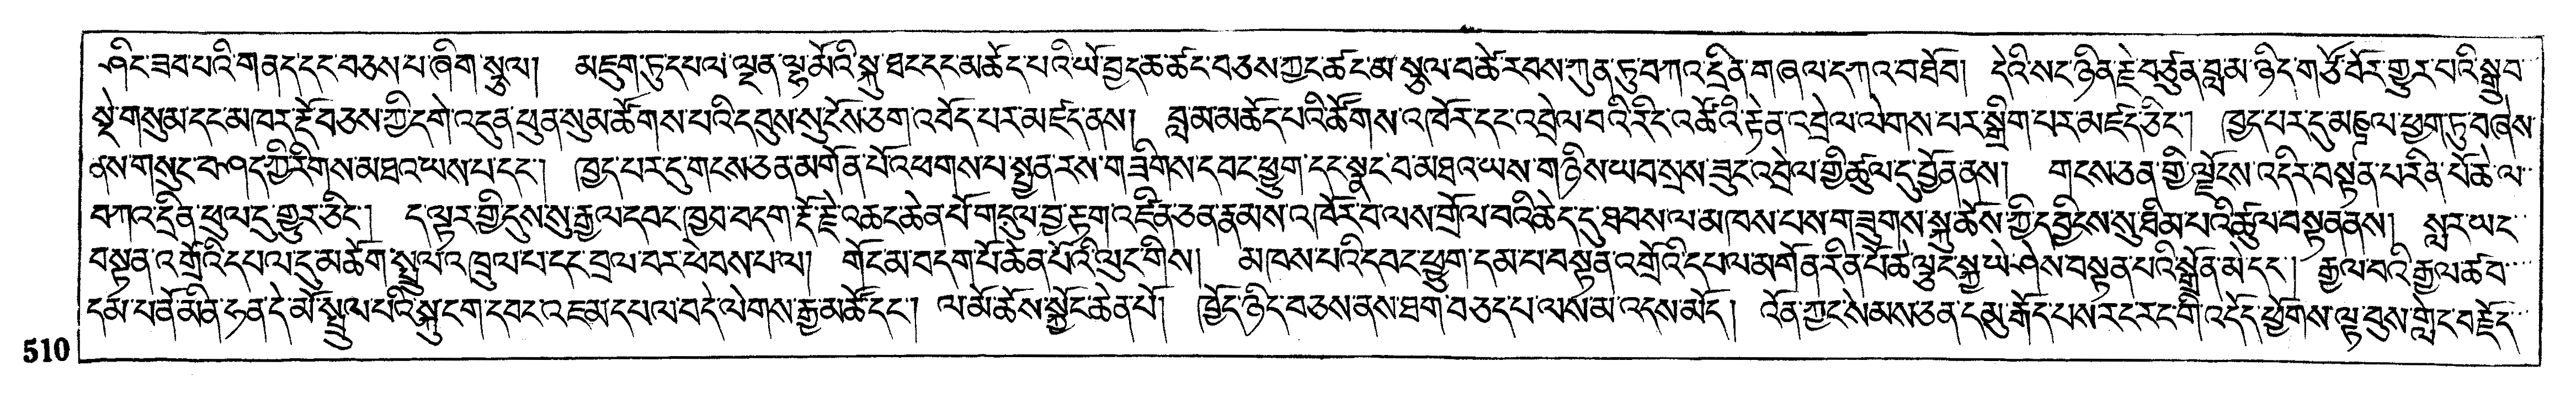ཤིང་ཟབ་པའི་གནད་དང་བཅས་པ་ཞིག་སྩལ། མཇུག་ཏུ་དཔལ་ལྡན་ལྷ་མོའི་སྐུ་ཐང་དང་མཆོད་པའི་ཡོ་བྱད་ཆ་ཚང་བཅས་ཀྱང་ཚང་མ་སྩལ་བ་ཚེ་རབས་ཀུན་དུ་བཀའ་དྲིན་གཞལ་དཀའ་བ་ཐོབ། དེའི་སང་ཉིན་རྗེ་བཙུན་བླ་མ་ཉིད་གཙོ་བོར་གྱུར་པའི་སྒྲུབ་
སྡེ་གསུམ་དང་མཁར་རྡོ་བཅས་ཀྱི་དགེ་འདུན་ཕུན་སུམ་ཚོགས་པའི་དབུས་སུ་ངོས་ཅག་འབོད་པར་མཛད་ནས། བླ་མ་མཆོད་པའི་ཚོགས་འཁོར་དང་འབྲེལ་བའི་རིང་འཚོའི་རྟེན་འབྲེལ་ལེགས་པར་སྒྲིག་པར་མཛད་ཅིང་། ཁྱད་པར་དུ་མཎྜལ་ཕྱག་ཏུ་བཞེས་
ནས་གསུང་བཤད་ཀྱི་རིགས་མཐའ་ཡས་པ་དང་། ཁྱད་པར་དུ་གསངས་ཅན་མགོན་པོ་འཕགས་པ་སྤྱན་རས་གཟིགས་དབང་ཕྱུག་དང་སྣང་བ་མཐའ་ཡས་གཉིས་ཡབ་སྲས་ཟུང་འབྲེལ་གྱི་ཚུལ་དུ་བྱོན་ནས། གངས་ཅན་གྱི་ལྗོངས་འདིར་བསྟན་པ་རིན་པོ་ཆེ་ལ་
བཀའ་དྲིན་ཕུལ་དུ་གྱུར་ཅིང་། ད་ལྟར་གྱི་དུས་སུ་རྒྱལ་དབང་ཁྱབ་བདག་རྡོ་རྗེ་འཆང་ཆེན་པོ་གདུལ་བྱ་རྟག་འཛིན་ཅན་རྣམས་འཁོར་བ་ལས་གྲོལ་བའི་ཆེད་དུ་ཐབས་ལ་མཁས་པས་གཟུགས་སྐུ་ཆོས་ཀྱི་དབྱིངས་སུ་ཐིམ་པའི་ཚུལ་བསྟན་ནས། སླར་ཡང་
བསྟན་འགྲོའི་དཔལ་དུ་མཆོག་སྤྲུལ་འཁྲུལ་པ་དང་བྲལ་བར་ཕེབས་པ་ལ། གོང་མ་བདག་པོ་ཆེན་པོའི་ལུང་གིས། མཁས་པའི་དབང་ཕྱུག་དམ་པ་བསྟན་འགྲོའི་དཔལ་མགོན་རིན་པོ་ཆེ་ལྕང་སྐྱ་ཡེ་ཤེས་བསྟན་པའི་སྒྲོན་མེ་དང་། རྒྱལ་བའི་རྒྱལ་ཚབ་
དམ་པ་ནོ་མིན་ཧན་དེ་མོ་སྤྲུལ་པའི་སྐུ་ངག་དབང་འཇམ་དཔལ་བདེ་ལེགས་རྒྱ་མཚོ་དང་། ལ་མོ་ཆོས་སྐྱོང་ཆེན་པོ། ཁྱོད་ཉིད་བཅས་ནས་ཐག་བཅད་པ་ལས་མ་འདས་མོད། འོན་ཀྱང་སེམས་ཅན་དམུ་རྒོད་པས་རང་རང་གི་འདོད་ཕྱོགས་ལྟ་བུས་གླེང་བརྗོད་